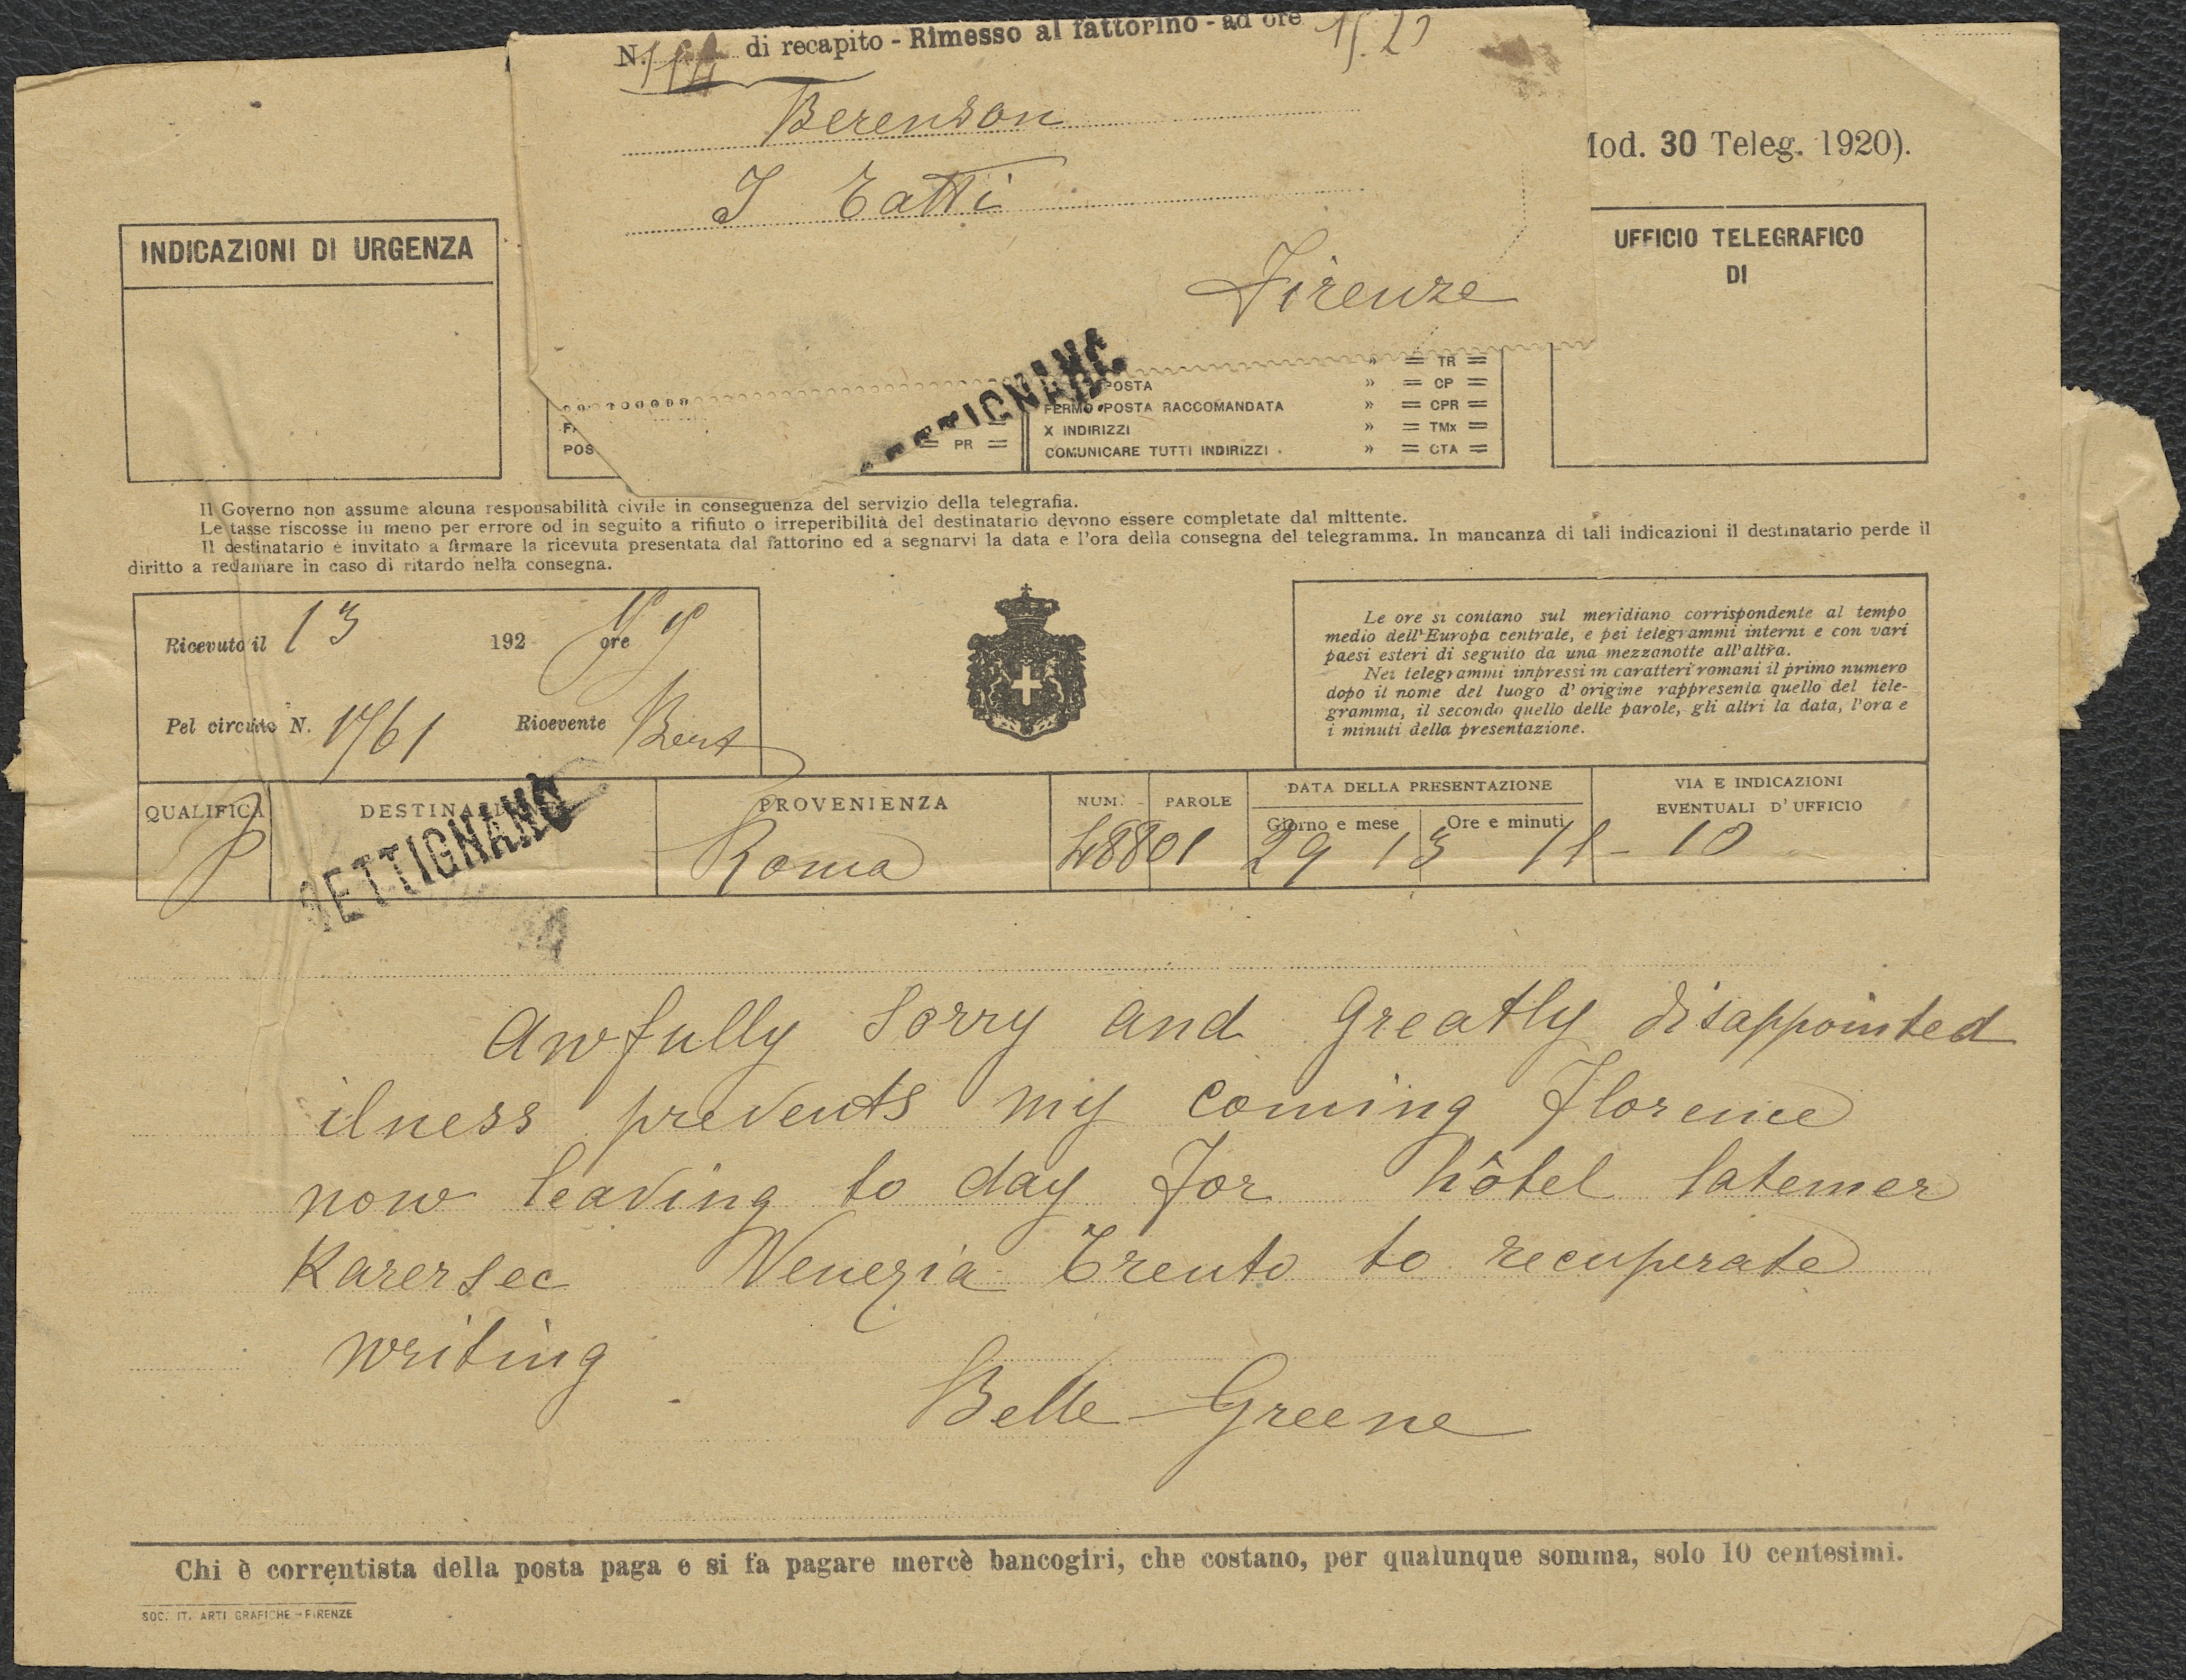Awfully sorry and greatly disappointed ilness [sic] prevents my coming Florence now leaving to day for hôtel Latemer Karersec Venezia Creuto to recuperate writing
Belle Greene